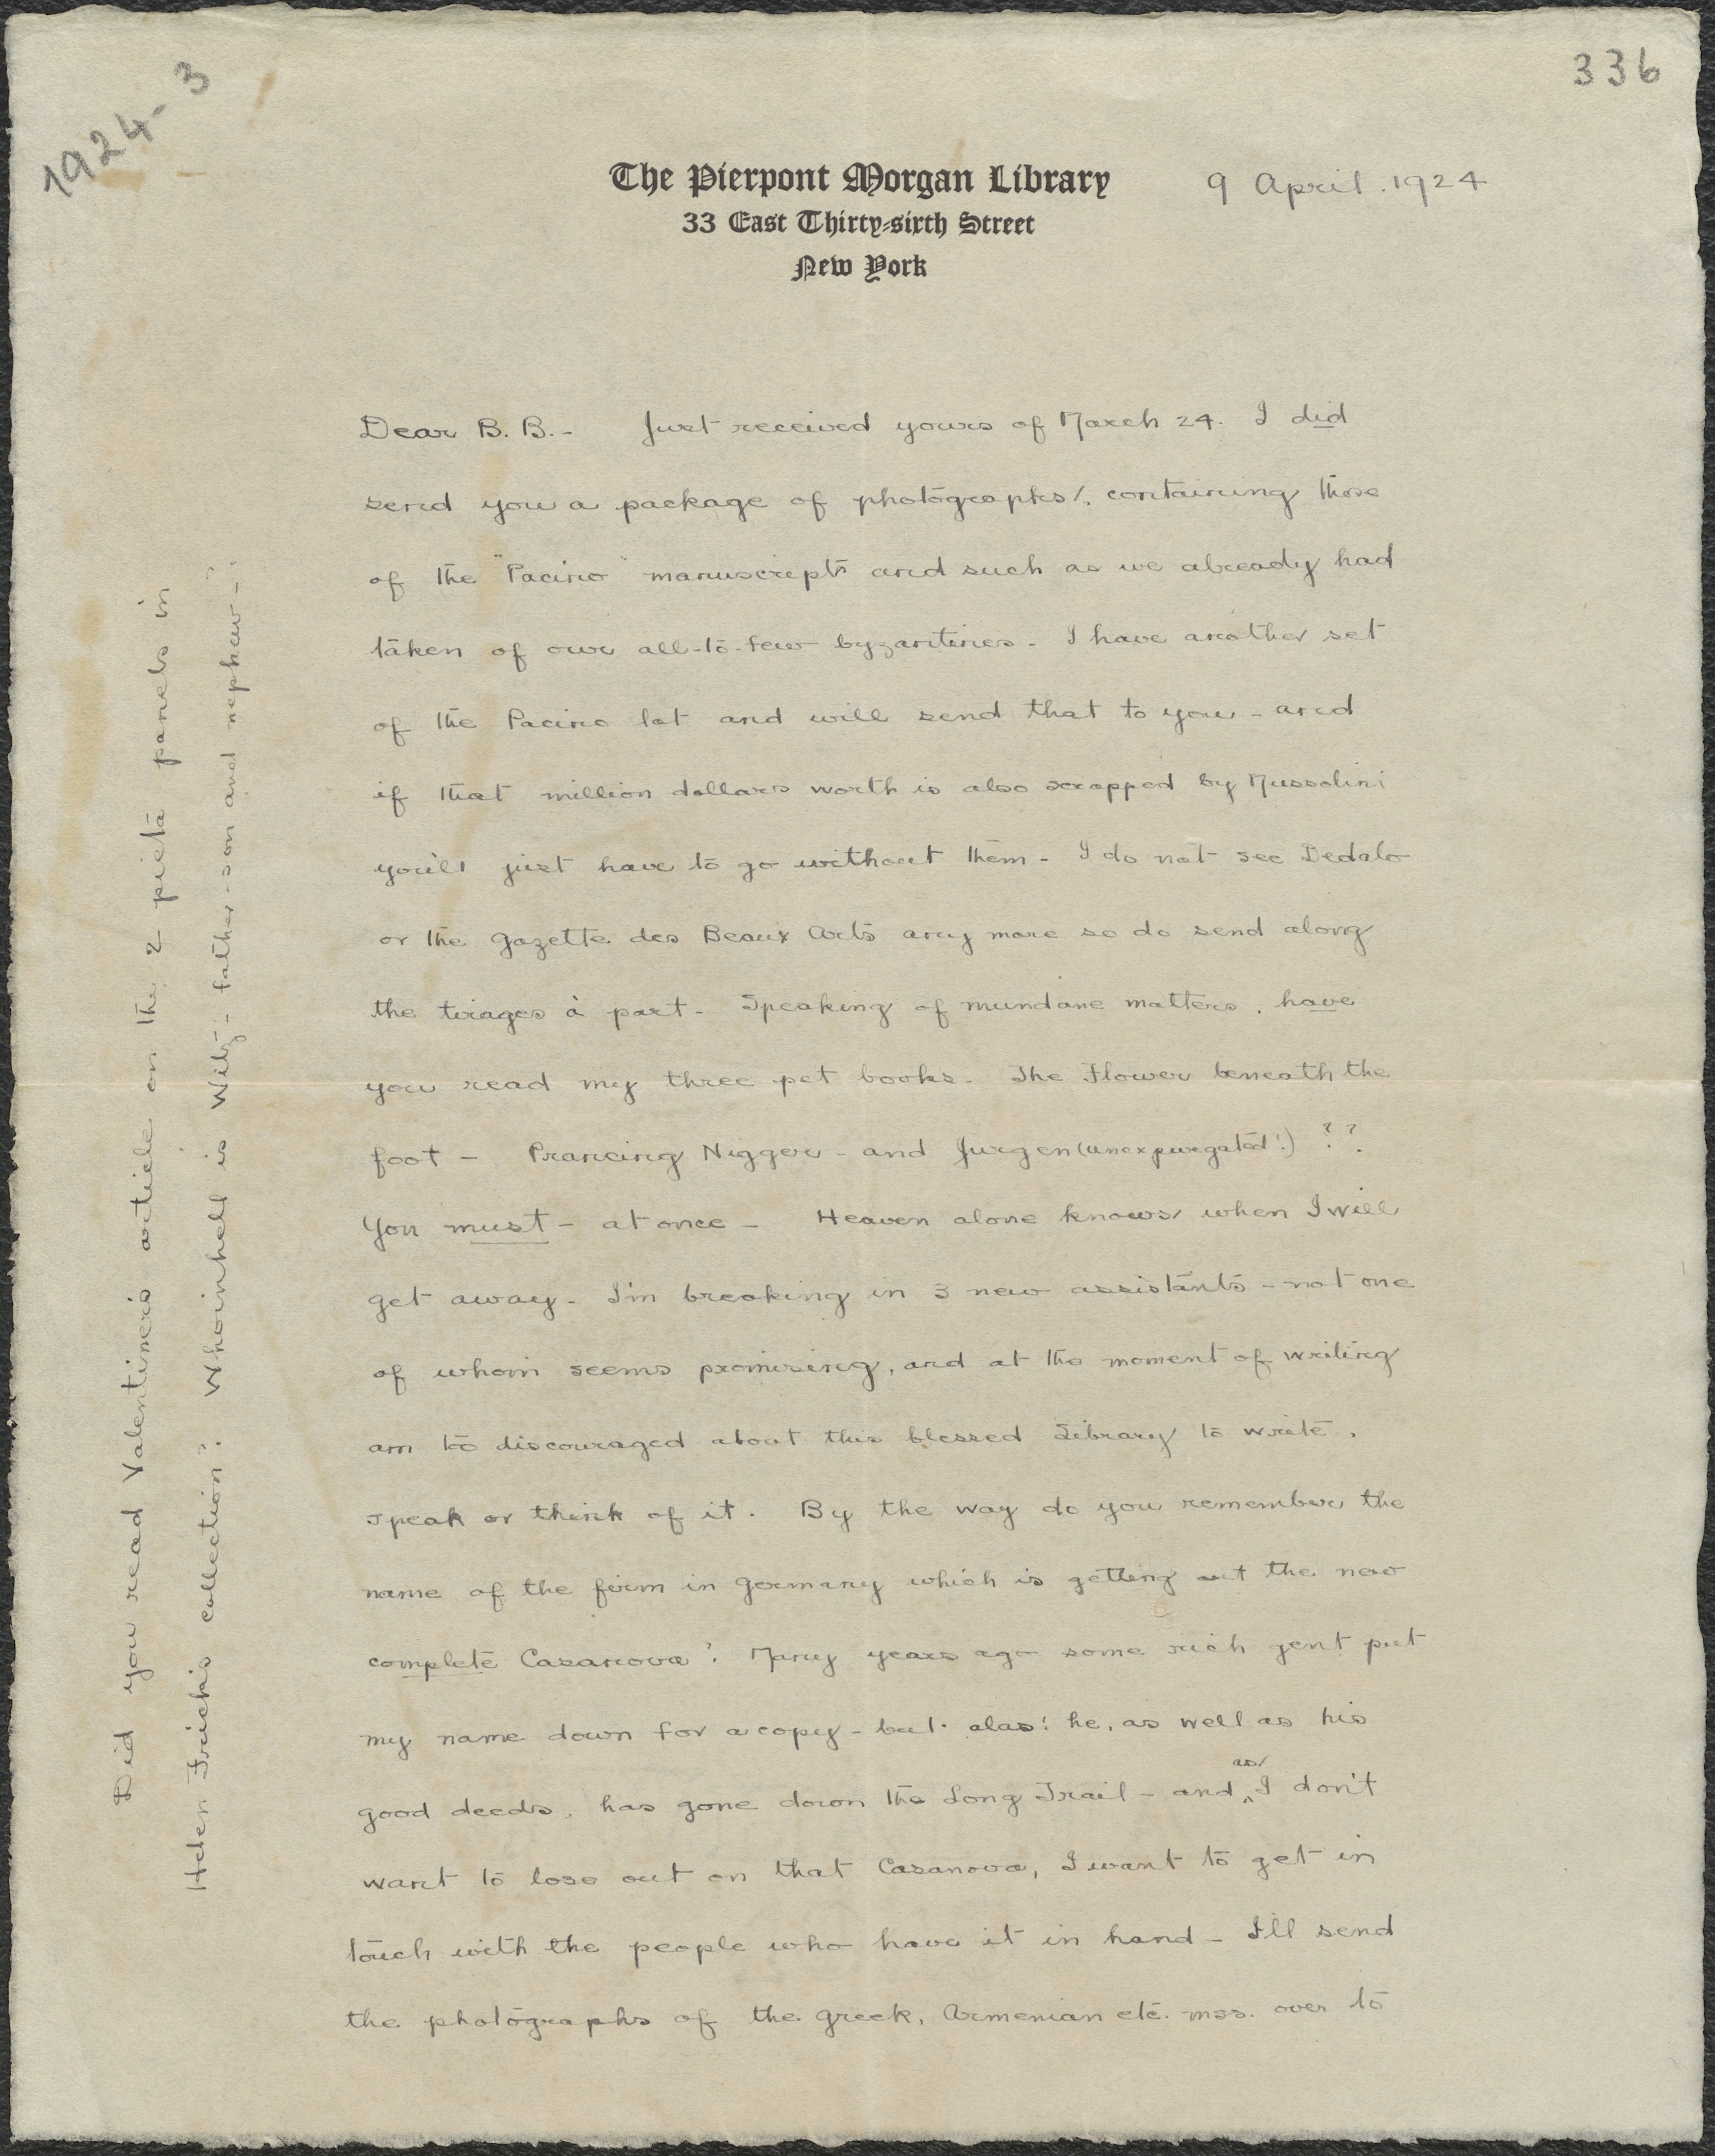9 April. 1924
[on the left margin, written parallel with the edge of the sheet: Did you read Valentine's article on the 2 picta panels in Helen Frick's collection? Whoinhell is Witz – father, son and nephew –?]
Dear B.B.– Just received yours of March 24. I did send you a package of photographs, containing those of the "Pacino" manuscripts and such as we already had taken of our all-to[sic]-few byzantines. I have another set of the Pacino lot and will send that to you – and if that million dollars worth is also scrapped by Mussolini you'll just have to go without them. I do not see Dedalo or the Gazette des Beaux Arts any more so do send along the tirages à part. Speaking of mundane matters, have you read my three pet books. The Flower beneath the foot — Prancing Nigger and Jurgen (unexpurgated!)?? You must – at once – Heaven alone knows when I will get away – I'm breaking in 3 new assistants – not one of whom seems promising, and at the moment of writing am too discouraged about this blessed Library to write, speak or think of it. By the way do you remember the name of the firm in Germany which is getting out the new complete Casanova? Many years ago some rich gent put my name down for a copy – but alas! he, as well as his good deeds, has gone down the Long Trail – and [^as^] I don't want to lose out on that Casanova, I want to get in touch with the people who have it in hand – I'll send the photographs of the Greek, Armenian etc. mss. over to